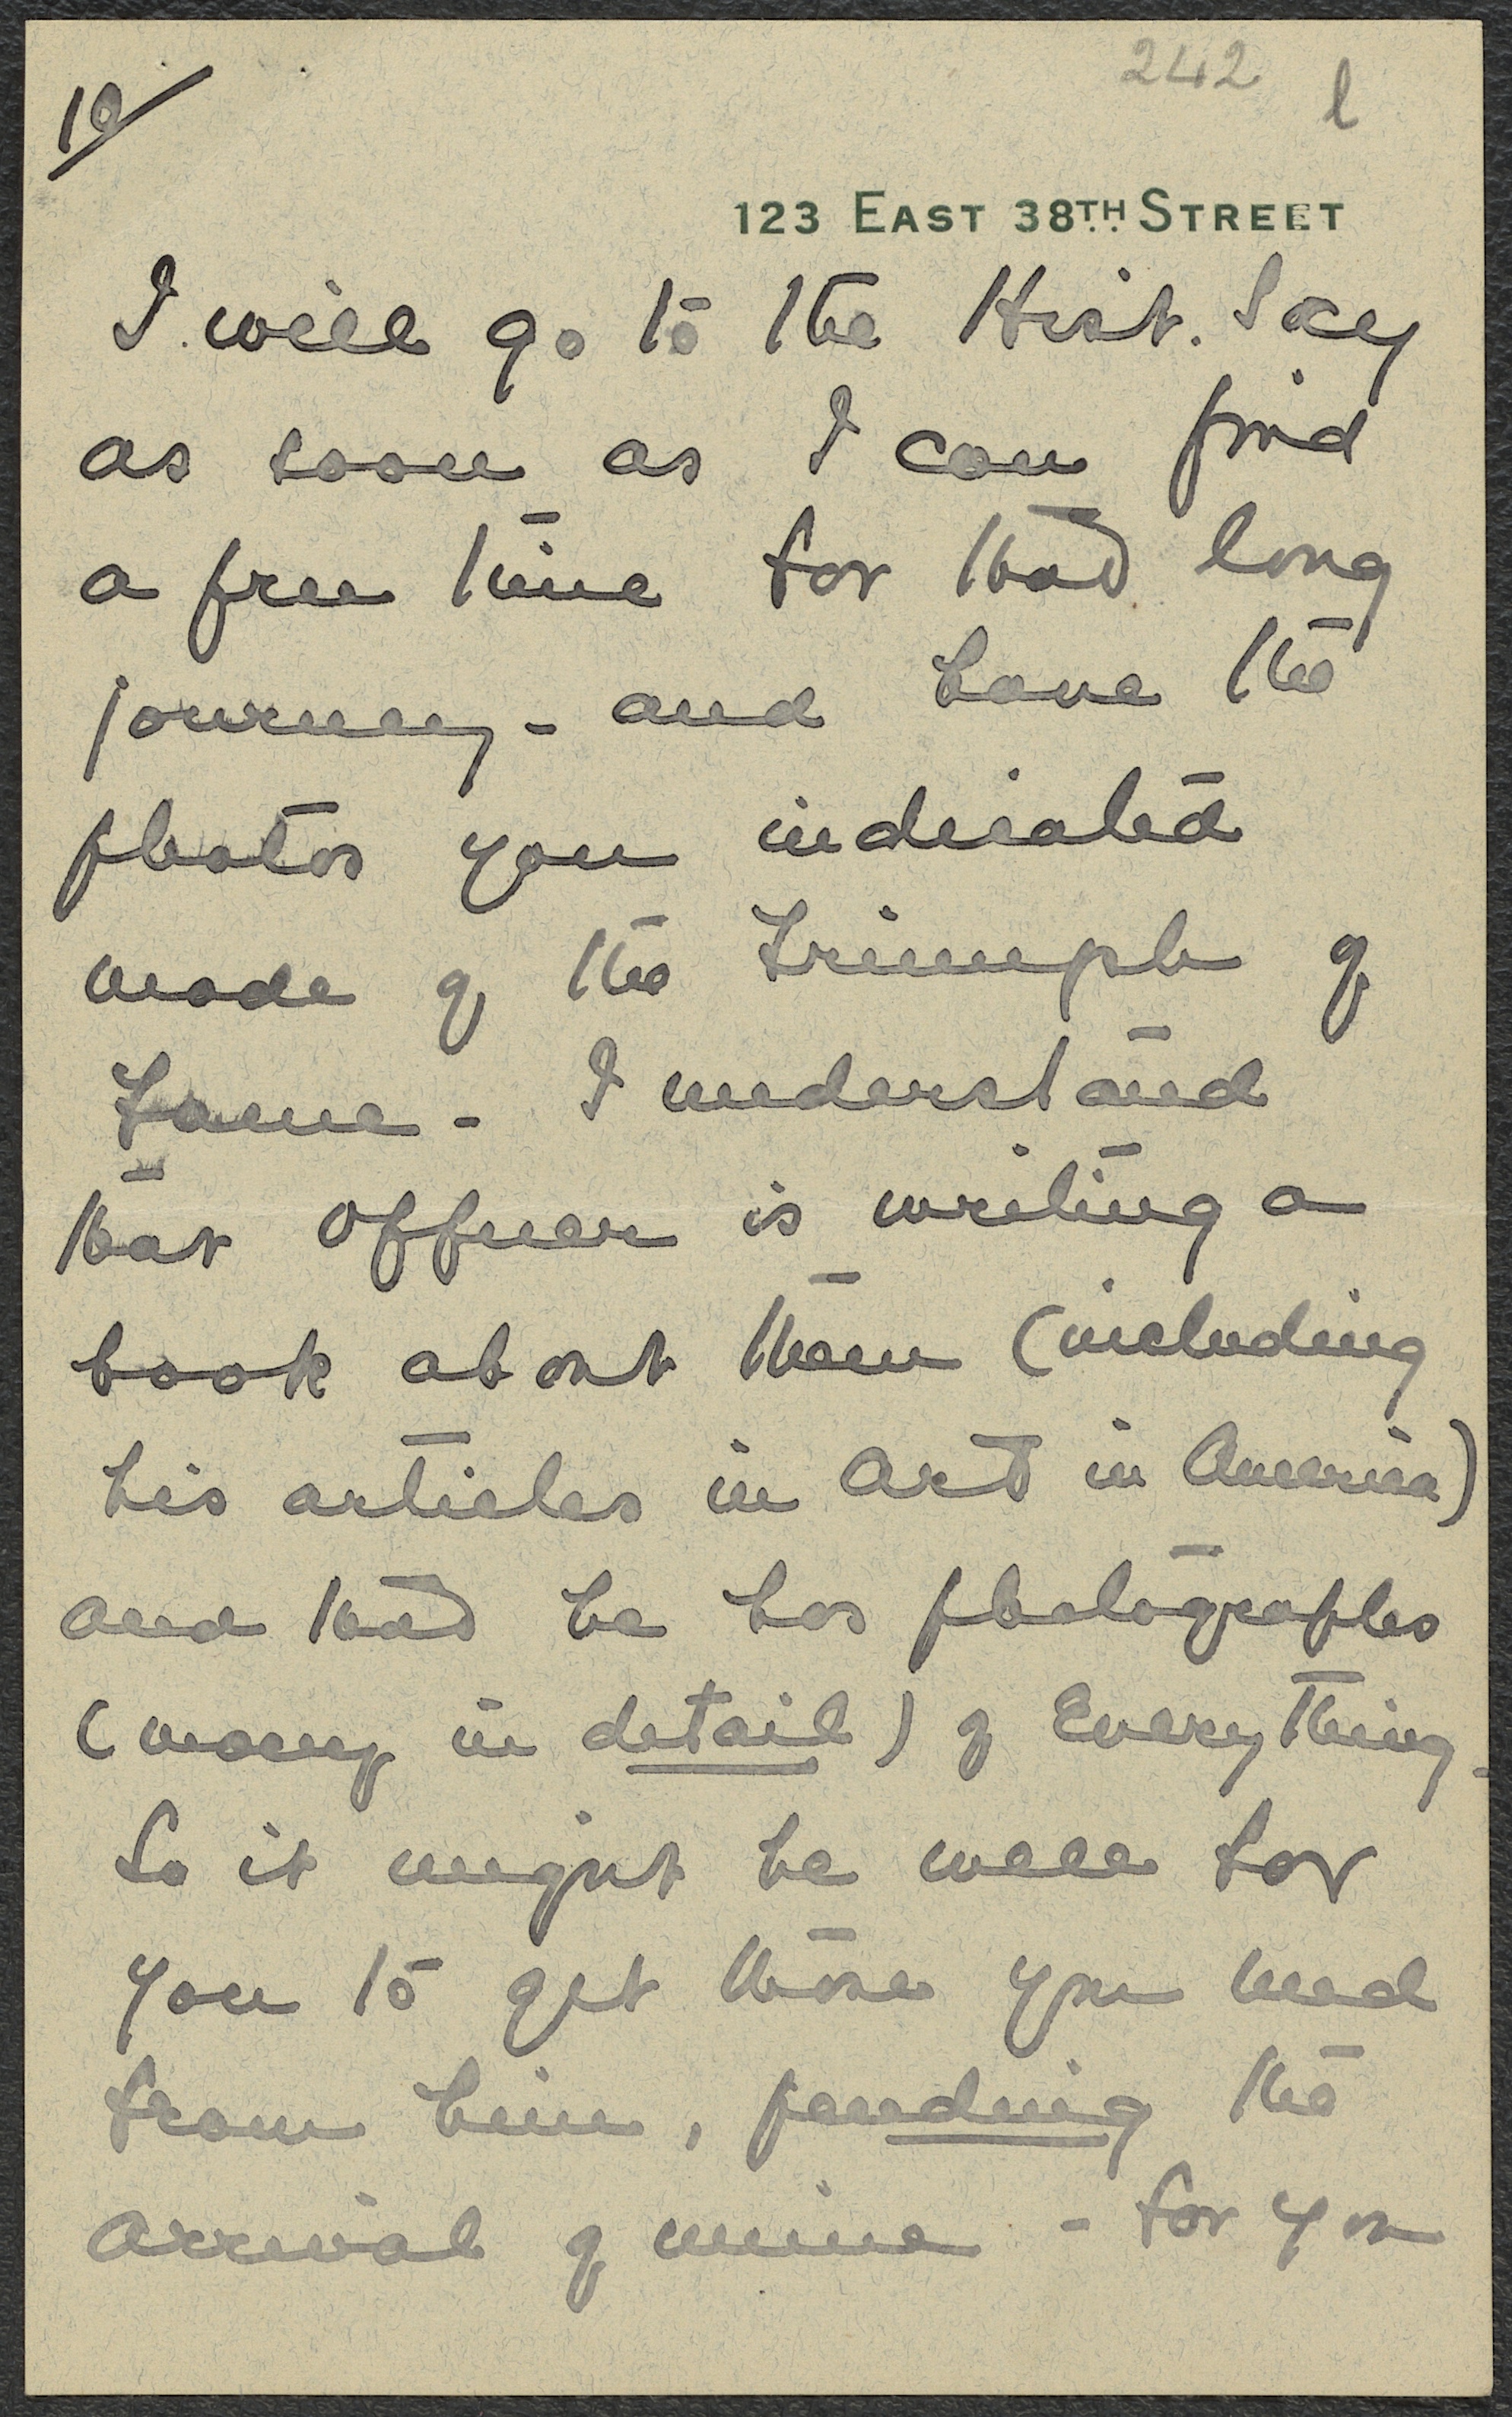10/
I will go to the Hist. Socy as soon as I can find free time for that long journey – and have the photos you indicated made of the Triumph of Fame – I understand that Offner is writing a book about them (including his articles in Art in America) and that he has photographs (many in detail) of everything – So it might be well for you to get those you need from him, pending the arrival of mine – for you